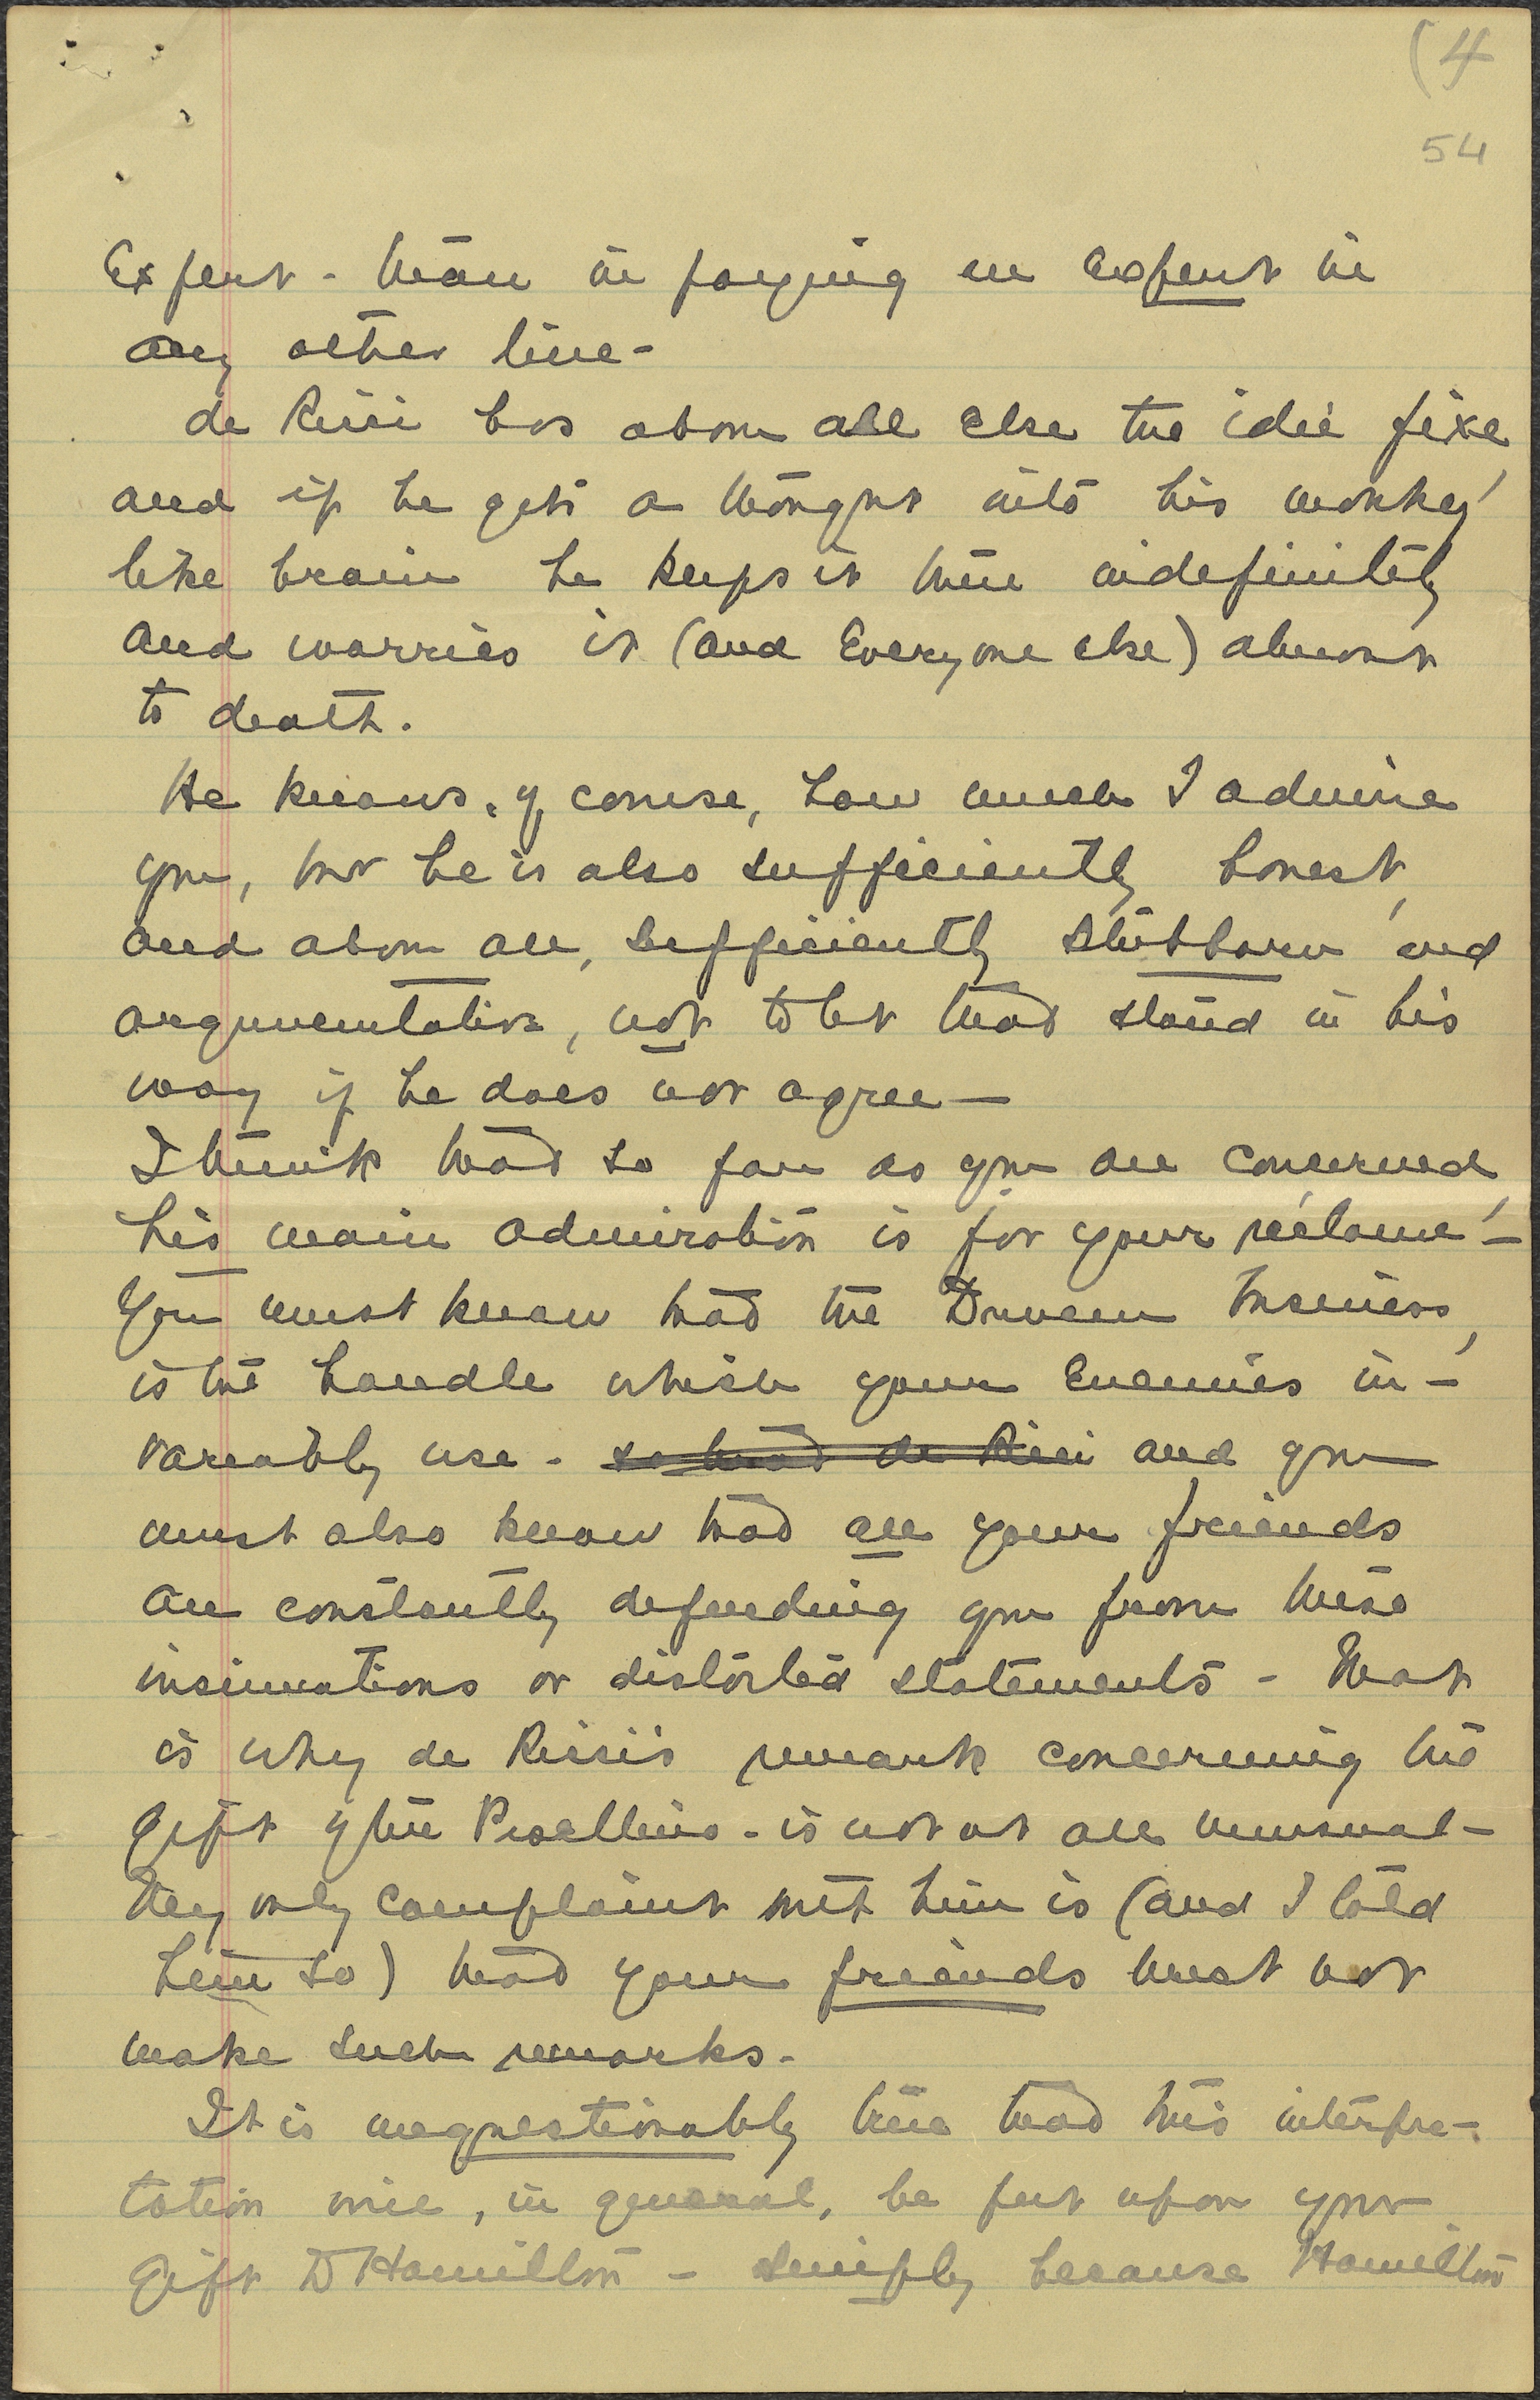expert – than in paying an expert in any other line –
de Ricci has above all else the ideé [sic] fixe, and if he gets a thought into his monkey like brain he keeps it there indefinitely and worries it (and everyone else) almost to death.
He knows, of course, how much I admire you, but he is also sufficiently honest, and above all, sufficiently stubborn and argumentative, not to let that stand in his way if he does not agree –
I think that so far as you are concerned, his main admiration is for your réclamé – You must know that the Duveen business, is the handle which your enemies invariably use. so that de Ricci and you must also know that all your friends are constantly defending you from these insinuations or distorted statements – That is why de Ricci's remark concerning the gift of the Pisellino, is not at all unusual – My only complaint with him is (and I told him so) that your friends must not make such remarks.
It is unquestionably true that this interpretation will, in general, be put upon your gift to Hamilton – simply because Hamilton